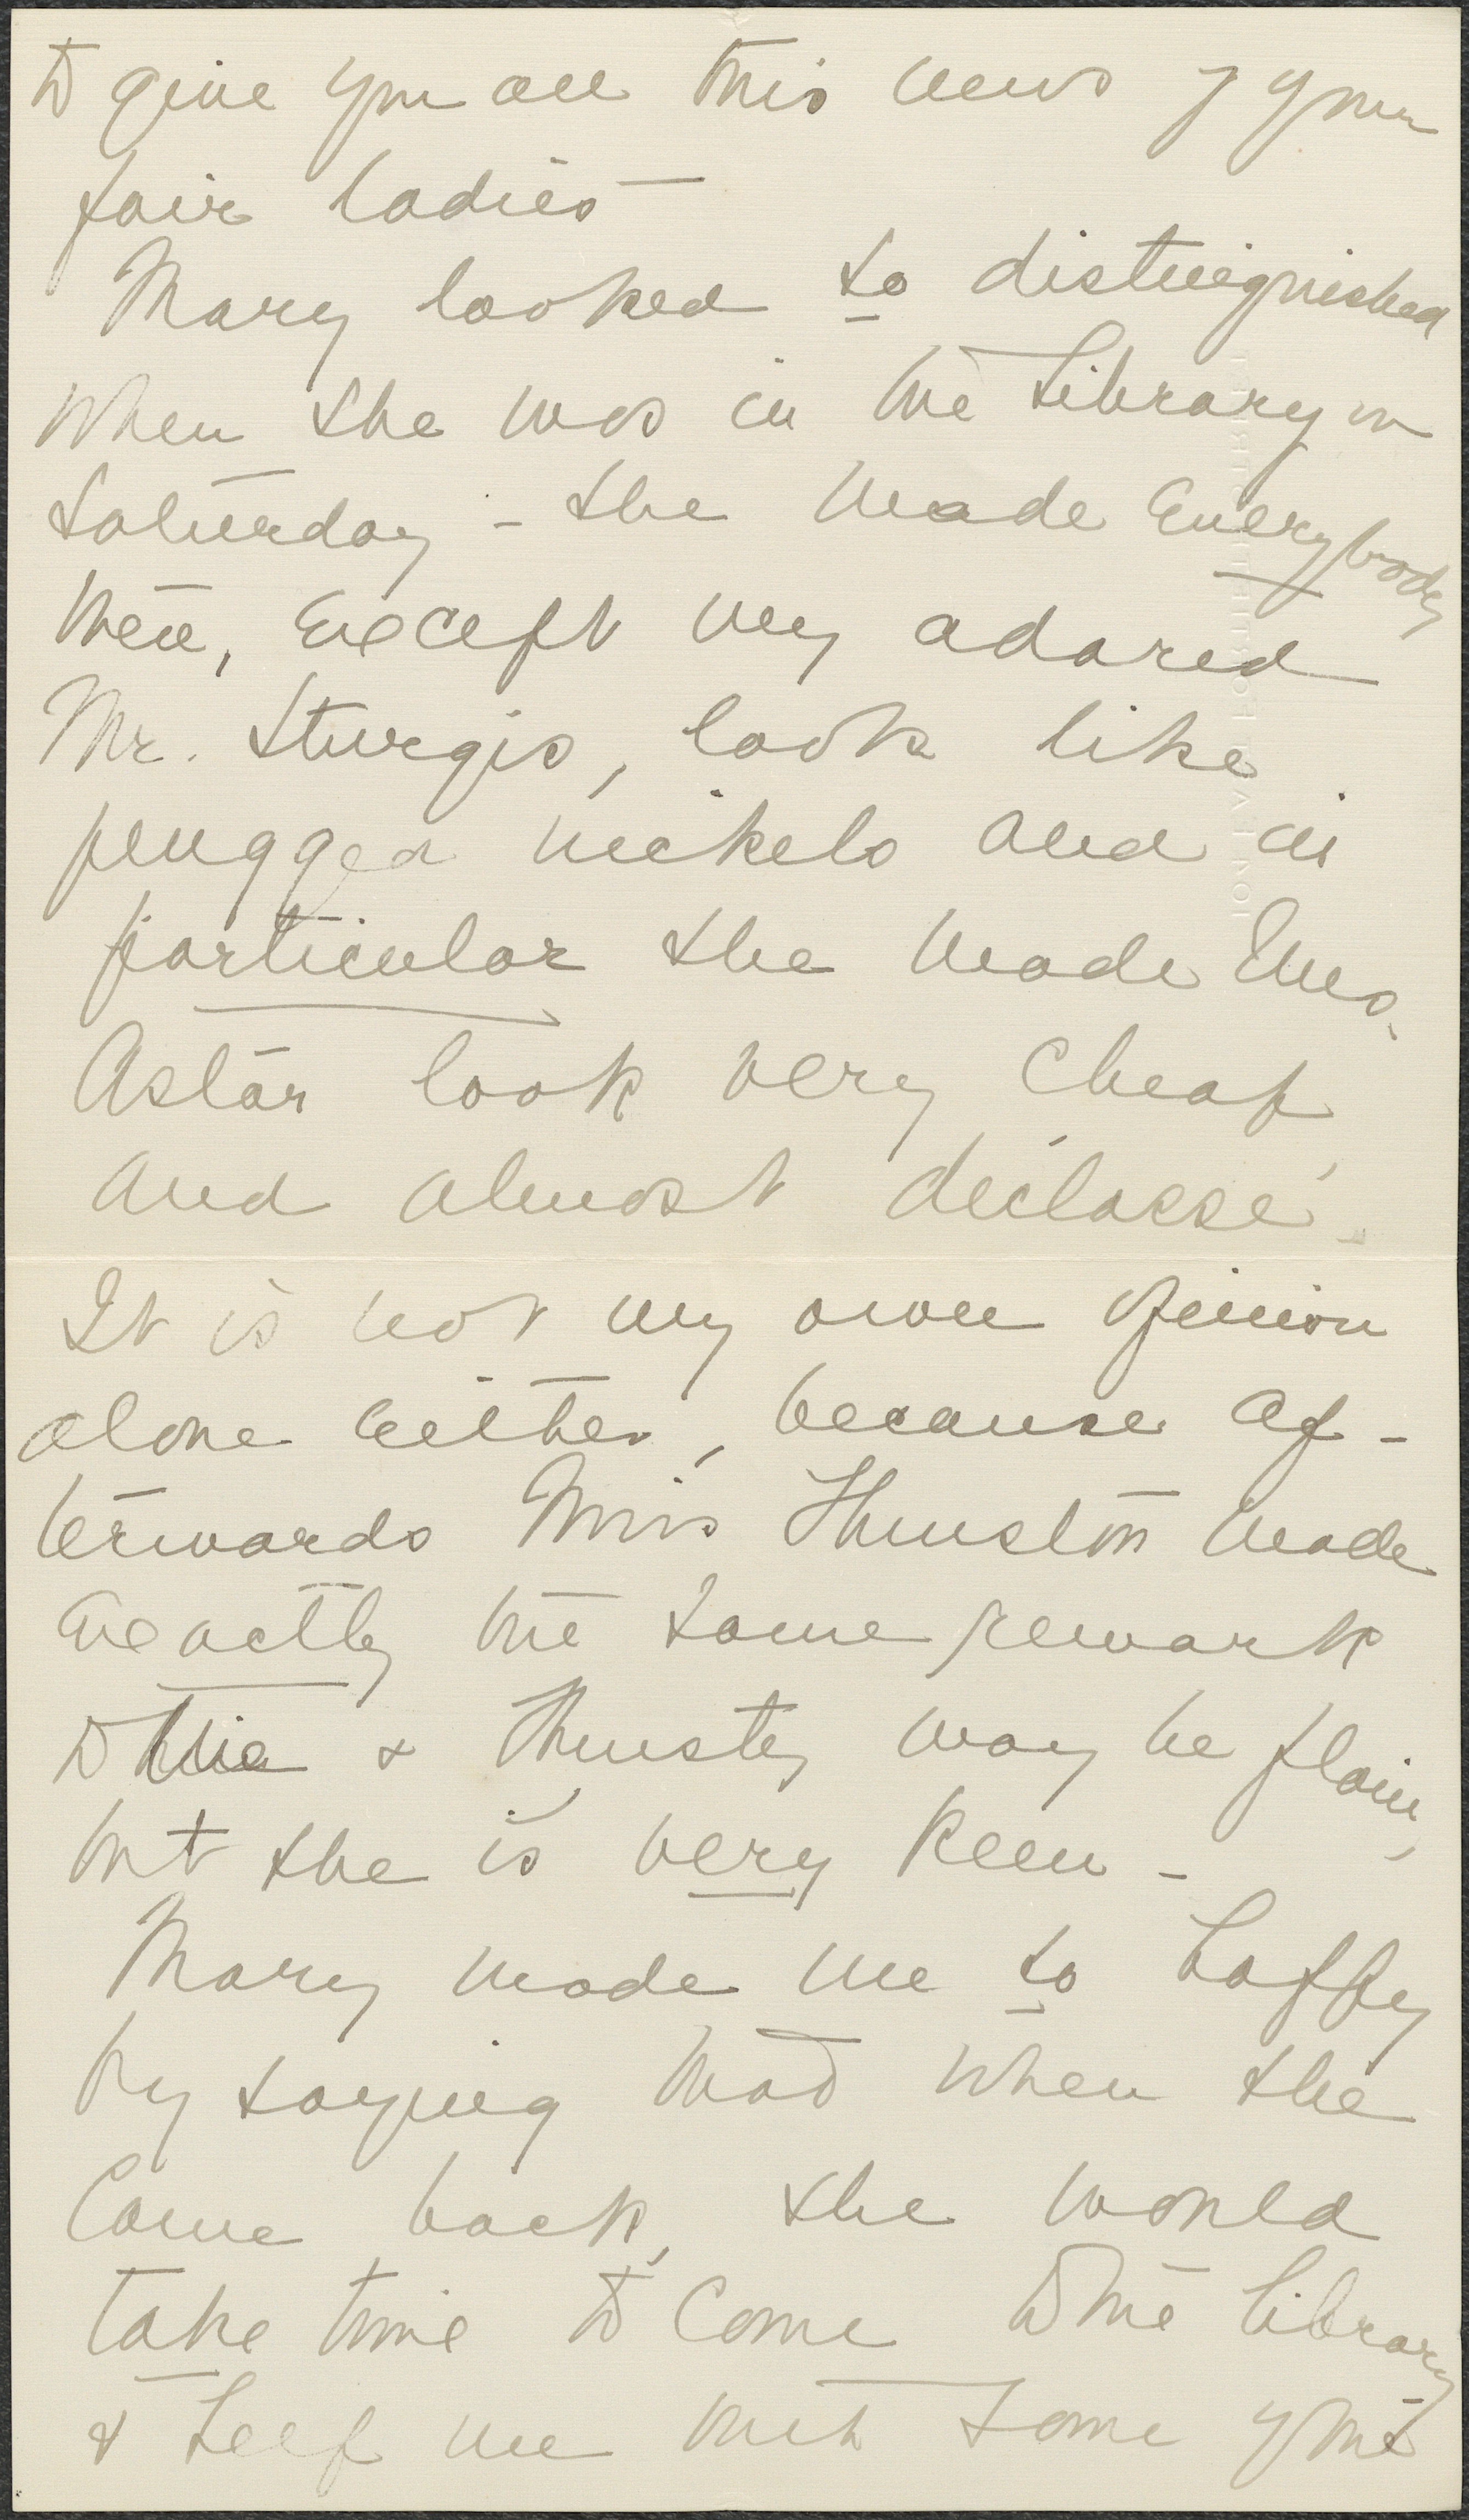to give you all this news of your fair ladies –
Mary looked so distinguished when she was in the Library on Saturday – she made everybody there, except my adored Mr. Sturgis, look like plugged nickels and in particular she made Mrs. Astor look very cheap and almost déclassé – It is not my own opinion alone either, because afterwards Miss Thurston made exactly the same remark to me & Thursty may be plain but she is very keen –
Mary made me so happy by saying that when she came back, she would take time to come to the library & help me with some of the